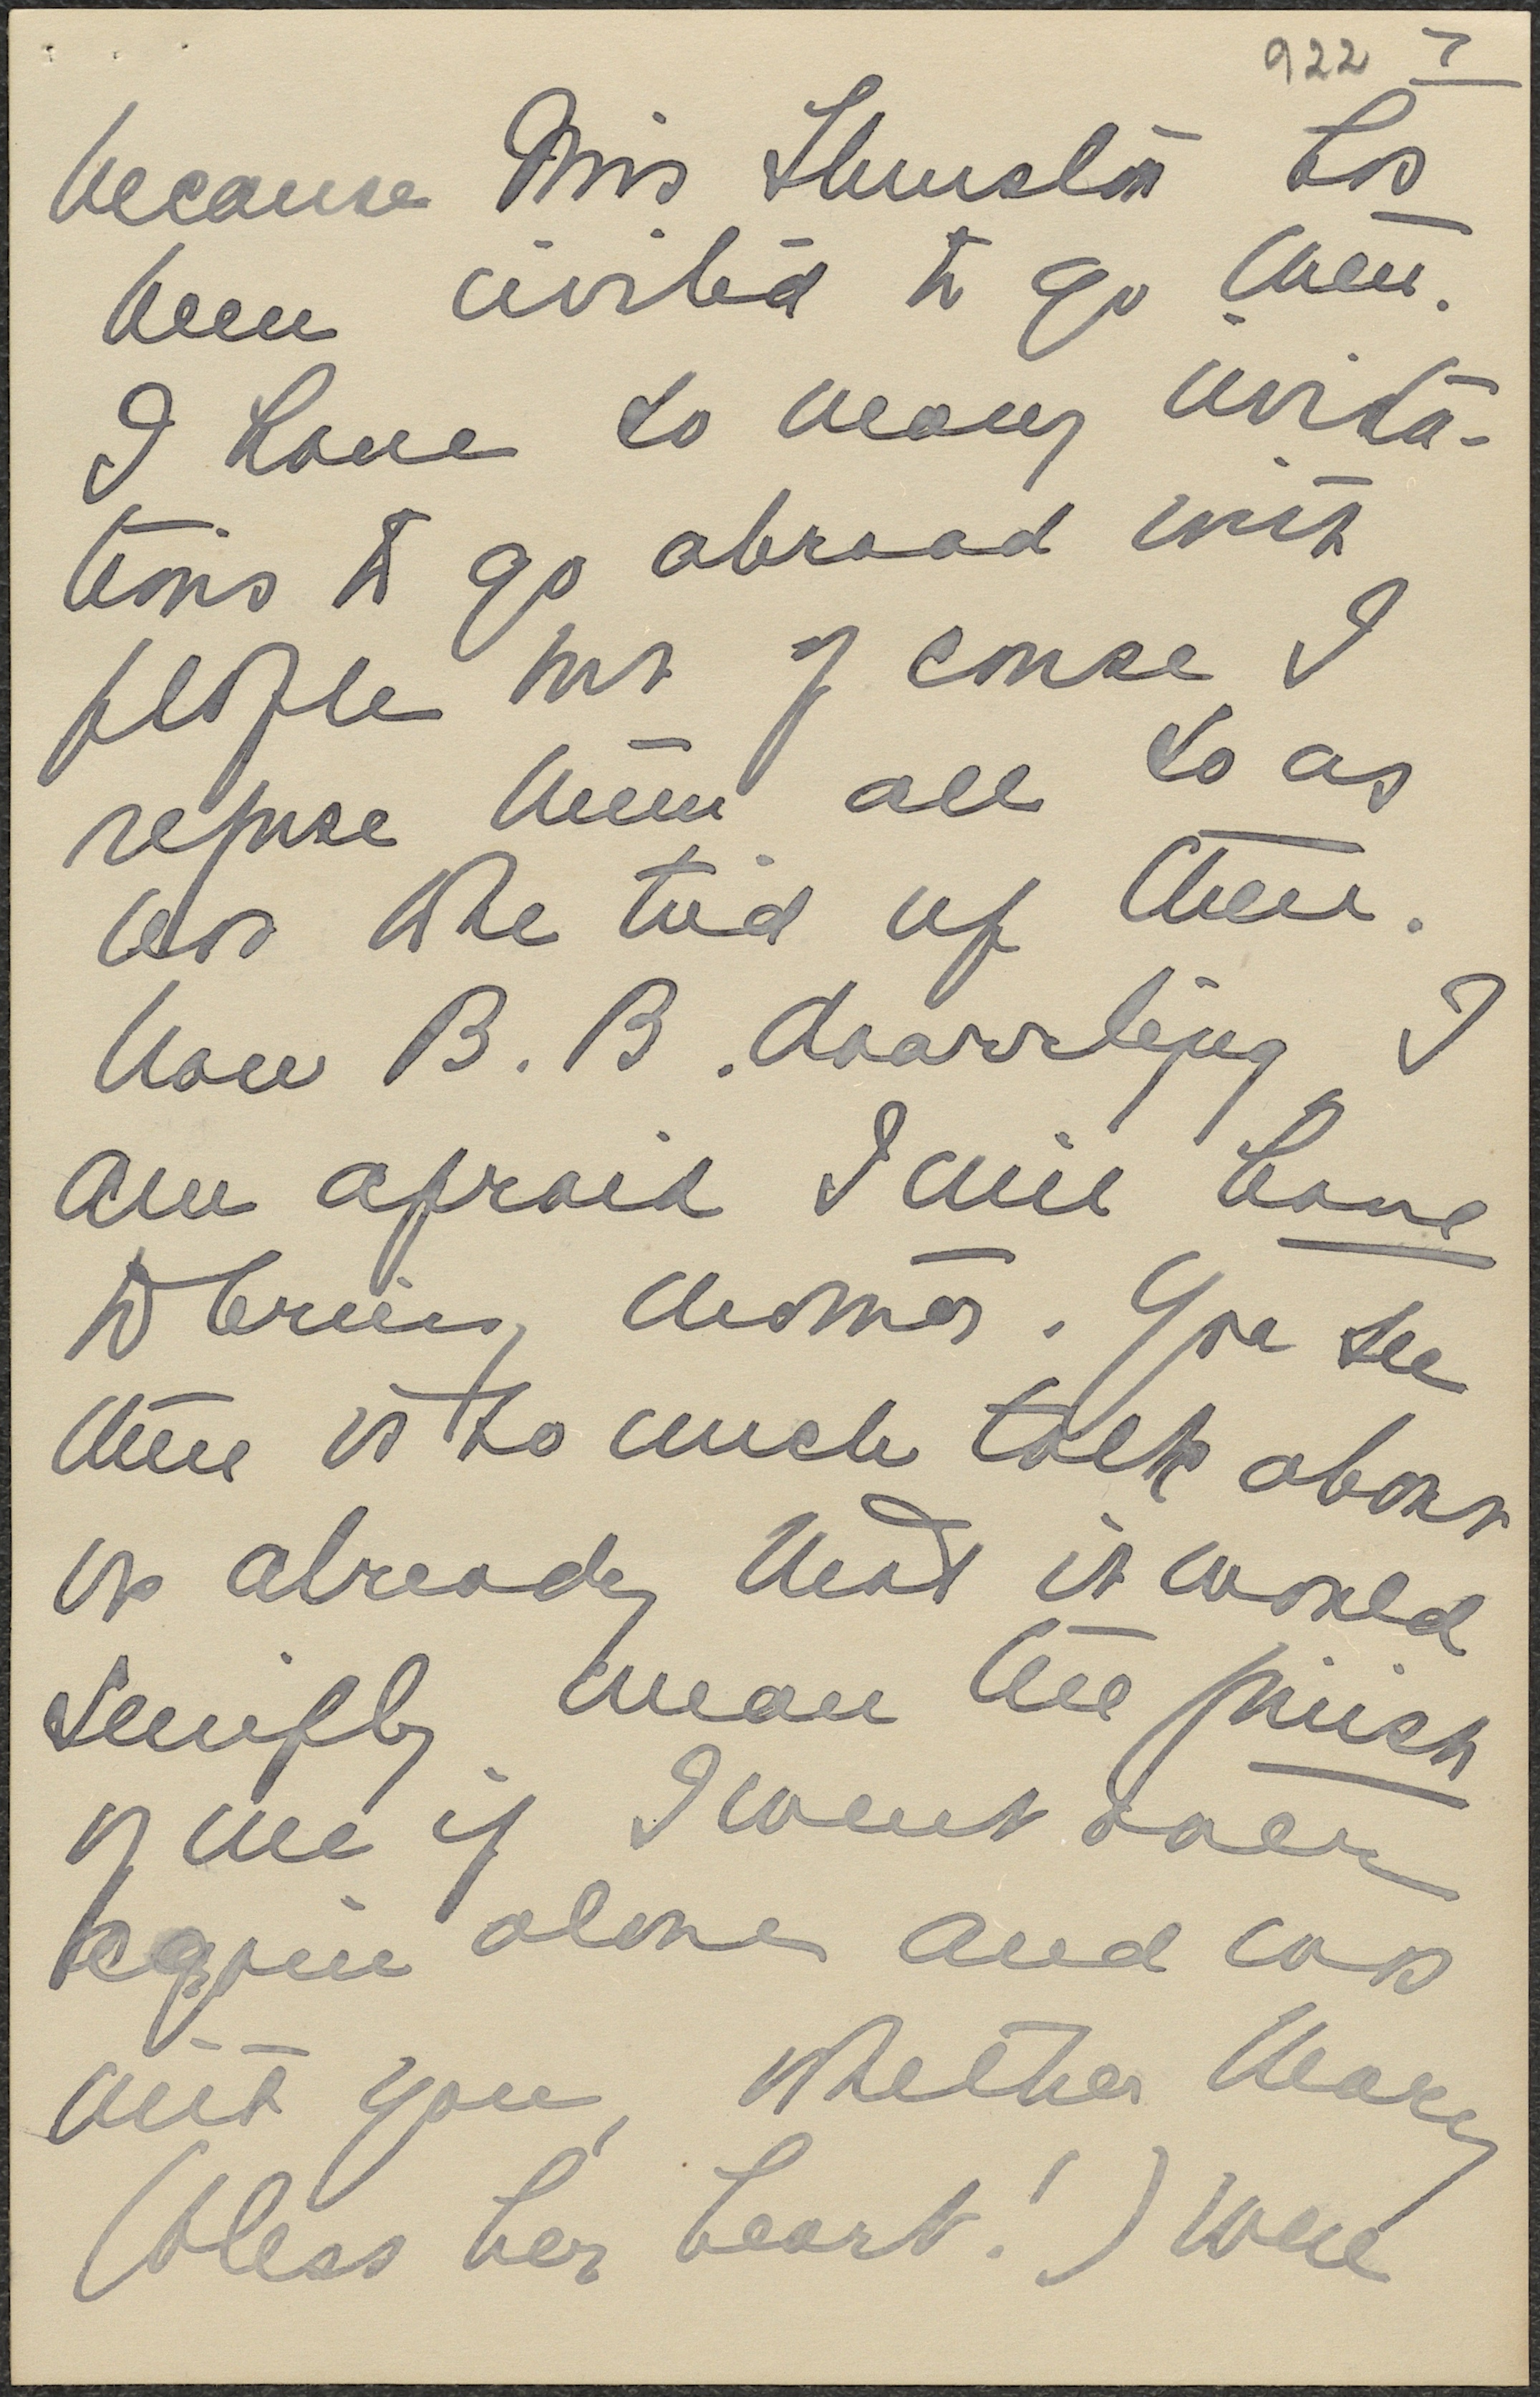7
because Miss Thurston has been invited to go then. I have so many invitations to go abroad with people but of course I refuse them all so as not to be tied up then.
Now B. B. daarrling I am afraid I will have to bring Mother. You see there is so much talk about us already that it would simply mean the finish of me if I went over again alone and was with you, whether Mary (bless her heart!) were